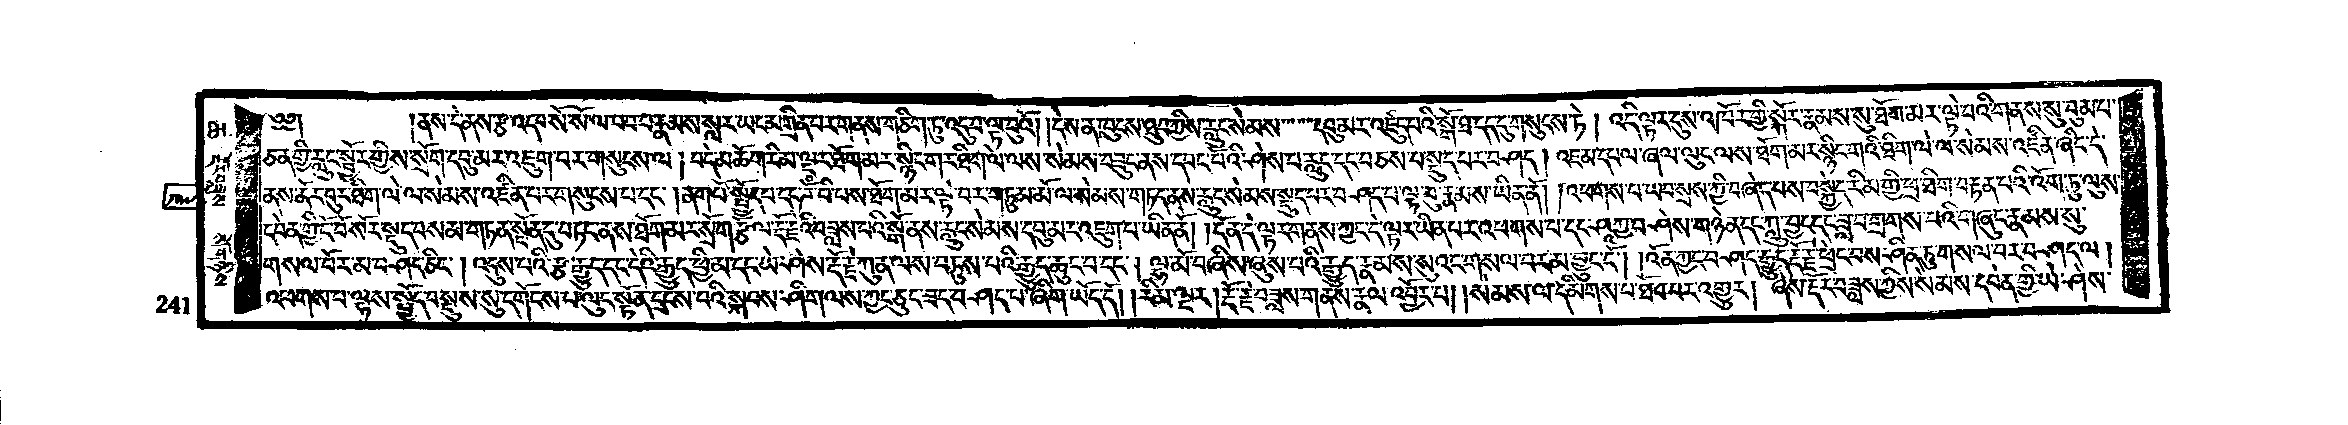༄༅། །ནས་དེ་ནས་རྩ་འདབ་སོ་སོ་ལ་བབ་པ་རྣམས་སླར་ཡང་མགྲིན་པར་གནས་གཅིག་ཏུ་འདུ་བ་ལྟ་བུའོ། །དེས་ན་ཁུངས་ཐུབ་ཀྱིས་རླུང་སེམས་དབུ་མར་འཛུད་པའི་སྒོ་ཐ་དད་དུ་གསུངས་ཏེ། འདི་ལྟར་དུས་འཁོར་གྱི་སྐོར་རྣམས་སུ་ཐོག་མར་ལྟེ་བའི་གནས་སུ་བུམ་པ་
ཅན་གྱི་རླུང་སྦྱོར་གྱིས་སྲོག་དབུ་མར་འཇུག་པར་གསུངས་ལ། བདེ་མཆོག་རིམ་ལྔར་ཐོག་མར་སྙིང་གར་ཐིག་ལེ་ལས་སེམས་བཟུང་ནས་དབང་པོའི་ཤེས་པ་རླུང་དང་བཅས་པ་སྡུད་པར་བཤད། འཇམ་དཔལ་ཞལ་ལུང་ལས་ཐོག་མར་སྙིང་གའི་ཐིག་ལེ་ལ་སེམས་འཛིན་ཞིང་དེ་
ནས་ནོར་བུར་ཐིག་ལེ་ལ་སེམས་འཛིན་པར་གསུངས་པ་དང་། ནག་པོ་སྤྱོད་པ་དང་ཌོཾ་བི་པས་ཐོག་མར་ལྟེ་བར་གཏུམ་མོ་ལ་སེམས་གཏད་ནས་རླུང་སེམས་སྡུད་པར་བཤད་པ་ལྟ་བུ་རྣམས་ཡིན་ནོ། །འཕགས་པ་ཡབ་སྲས་ཀྱི་བཞེད་པས་བསྐྱེད་རིམ་གྱི་ཕྲ་ཐིག་བརྟན་པའི་འོག་ཏུ་ལུས་
དབེན་གྱི་ངོ་བོ་སོར་སྡུད་བསམ་གཏན་སྔོན་དུ་བཏང་ནས་ཐོག་མར་སྲོག་རྩོལ་རྡོ་རྗེའི་བཟླས་པའི་སྒོ་ནས་རླུང་སེམས་དབུ་མར་འཇུག་པ་ཡིན་ནོ། །དོན་དེ་ལྟར་གནས་ཀྱང་དེ་ལྟར་ཡིན་པར་འཕགས་པ་དང་ཤཱཀྱ་བཤེས་གཉེན་དང་ཀླུ་བྱང་དང་ཟླ་བ་གྲགས་པའི་གཞུང་རྣམས་སུ་
གསལ་པོར་མ་བཤད་ཅིང་། འདུས་པའི་རྩ་རྒྱུད་དང་དེའི་རྒྱུད་ཕྱི་མ་དང་ཡེ་ཤེས་རྡོ་རྗེ་ཀུན་ལས་བཏུས་པའི་རྒྱུད་ཆུང་བ་དང་། ལྷ་མོ་བཞིས་ཞུས་པའི་རྒྱུད་རྣམས་སུའང་གསལ་བར་མ་བྱུང་ངོ། །འོན་ཀྱང་བཤད་རྒྱུད་རྡོ་རྗེ་ཕྲེང་བས་ཤིན་ཏུ་གསལ་བར་བཤད་ལ།
འཕགས་པ་ལྷས་སྤྱོད་བསྡུས་སུ་དགོངས་པ་ལུང་སྟོན་དྲངས་པའི་སྐབས་ཤིག་ལས་ཀྱང་ཅུང་ཟད་བཤད་པ་ཞིག་ཡོད་དོ། །རིམ་ལྔར། རྡོ་རྗེ་བཟླས་གནས་རྣལ་འབྱོར་པ། །སེམས་ལ་དམིགས་པ་ཐོབ་པར་འགྱུར། ཞེས་རྡོར་བཟླས་ཀྱིས་སེམས་དབེན་གྱི་ཡེ་ཤེས་